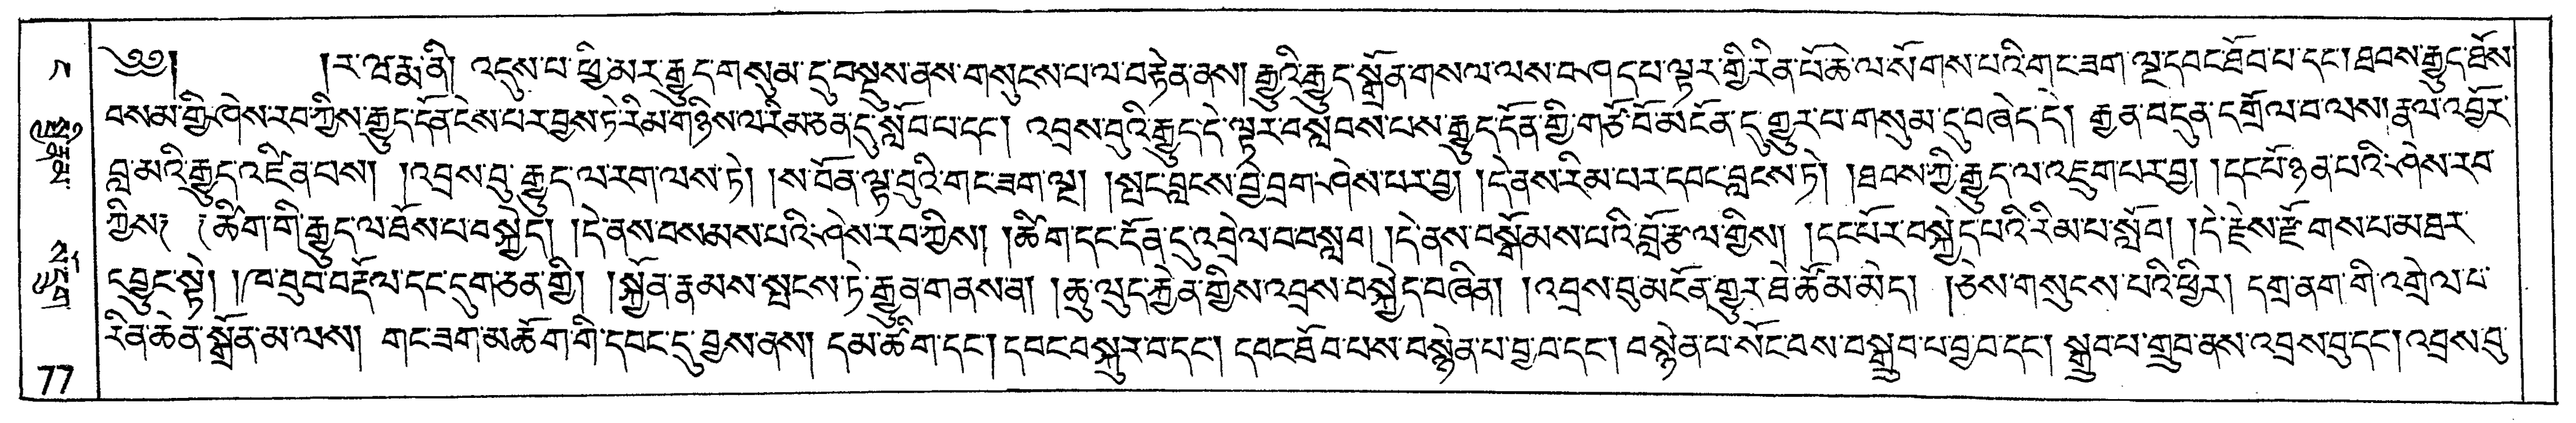༄༅། །ར་ཝརྨ་ནི། འདུས་པ་ཕྱི་མར་རྒྱུད་གསུམ་དུ་བསྡུས་ནས་གསུངས་པ་ལ་བརྟེན་ནས། རྒྱུའི་རྒྱུད་སྒྲོན་གསལ་ལས་བཤད་པ་ལྟར་གྱི་རིན་པོ་ཆེ་ལ་སོགས་པའི་གང་ཟག་ལྔ་དབང་ཐོབ་པ་དང་། ཐབས་རྒྱུད་ཐོས་
བསམ་གྱི་ཤེས་རབ་ཀྱིས་རྒྱུད་དོན་ངེས་པར་བྱས་ཏེ་རིམ་གཉིས་ལ་རིམ་ཅན་དུ་སློབ་པ་དང་། འབྲས་བུའི་རྒྱུད་དེ་ལྟར་བསླབས་པས་རྒྱུད་དོན་གྱི་གཙོ་བོ་མངོན་དུ་གྱུར་པ་གསུམ་དུ་བཞེད་དེ། རྒྱན་བདུན་དགྲོལ་བ་ལས། རྣལ་འབྱོར་
བླ་མའི་རྒྱུད་འཛིན་པས། །འབྲས་བུ་རྒྱུད་ལ་རག་ལས་ཏེ། །ས་བོན་ལྟ་བུའི་གང་ཟག་ལྔ། །སྤང་བླངས་བྱེ་བྲག་ཤེས་པར་བྱ། །དེ་ནས་རིམ་པར་དབང་བླངས་ཏེ། །ཐབས་ཀྱི་རྒྱུད་ལ་འཇུག་པར་བྱ། །དང་པོ་ཉན་པའི་ཤེས་རབ་
ཀྱིས། །ཚིག་གི་རྒྱུད་ལ་ཐོས་པ་བསྐྱེད། །དེ་ནས་བསམས་པའི་ཤེས་རབ་ཀྱིས། །ཚིག་དང་དོན་དུ་འབྲེལ་བ་བསླབ། །དེ་ནས་བསྒོམས་པའི་བློ་རྩལ་གྱིས། །དང་པོར་བསྐྱེད་པའི་རིམ་པ་སློབ། །དེ་རྗེས་རྫོགས་པ་མཐར་
དབྱུང་སྟེ། །ཁ་བུབ་བརྡོལ་དང་དུག་ཅན་གྱི། །སྐྱོན་རྣམས་སྤངས་ཏེ་རྒྱུན་གནས་ན། །ཆུ་ལུད་རྐྱེན་གྱིས་འབྲས་བསྐྱེད་བཞིན། །འབྲས་བུ་མངོན་གྱུར་ཐེ་ཚོམ་མེད། །ཅེས་གསུངས་པའི་ཕྱིར། དགྲ་ནག་གི་འགྲེལ་པ་
རིན་ཆེན་སྒྲོན་མ་ལས། གང་ཟག་མཆོག་གི་དབང་དུ་བྱས་ནས། དམ་ཚིག་དང་། དབང་བསྐུར་བ་དང་། དབང་ཐོབ་པས་བསྙེན་པ་བྱ་བ་དང་། བསྙེན་པ་སོང་བས་བསྒྲུབ་པ་བྱ་བ་དང་། སྒྲུབ་པ་གྲུབ་ནས་འབྲས་བུ་དང་། འབྲས་བུ་